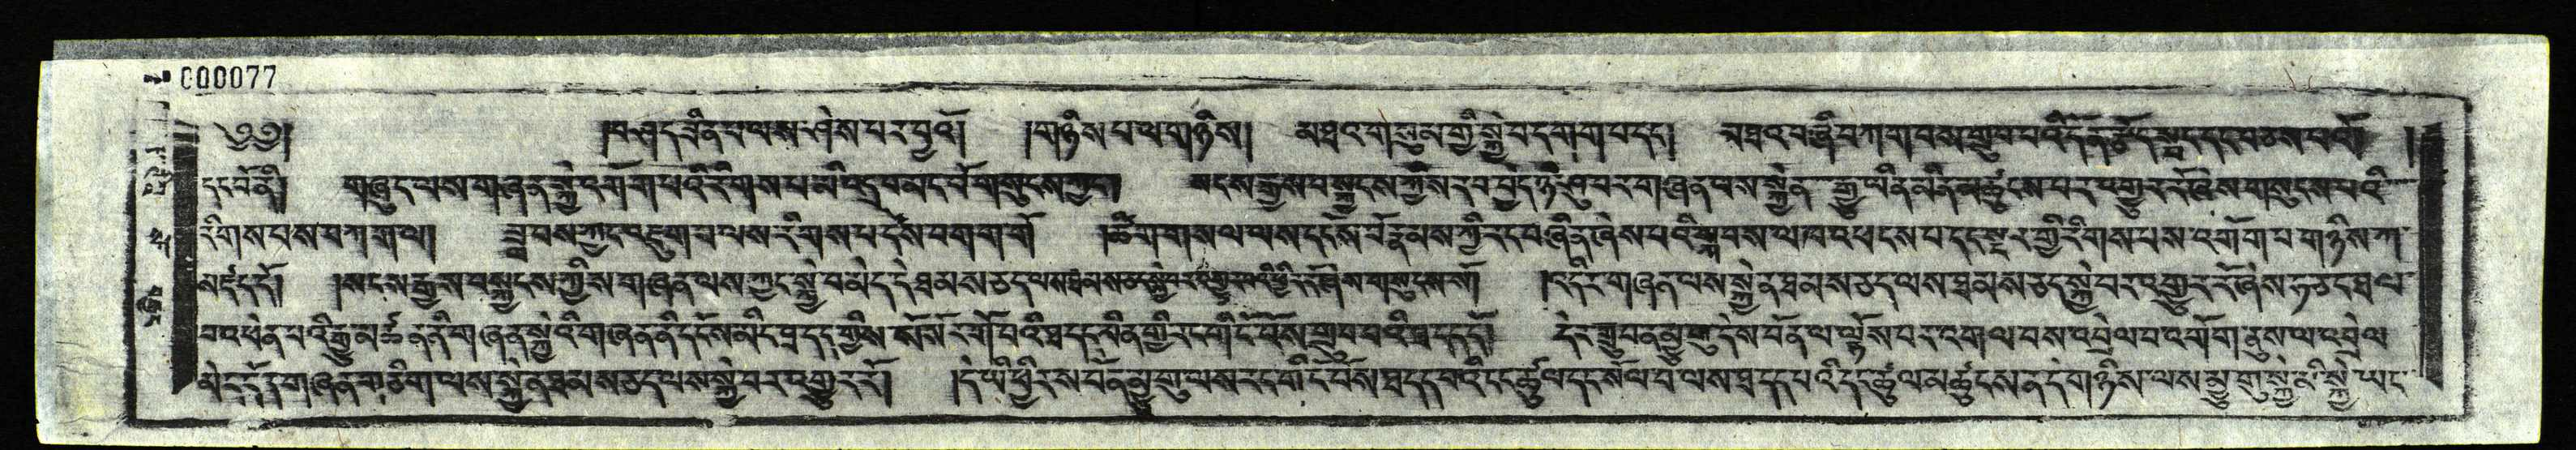༄༅། །བཤད་ཟིན་པ་ལས་ཤེས་པར་བྱའོ། །གཉིས་པ་ལ་གཉིས། མཐའ་གསུམ་གྱི་སྐྱེ་བ་དགག་པ་དང་། མཐའ་བཞི་བཀག་བས་གྲུབ་པའི་དོན་རྩོད་སྤང་དང་བཅས་པའོ། །
དང་པོ་ནི། གཞུང་ལས་གཞན་སྐྱེ་འགོག་པའི་རིགས་པ་མི་འདྲ་བ་མང་པོ་གསུངས་ཀྱང་། སངས་རྒྱས་བསྐྱངས་ཀྱིས་རབ་བྱེད་ཉི་ཤུ་བར་གཞན་ལས་སྐྱེན་རྒྱུ་ཡིན་མིན་མཚུངས་པར་འགྱུར་རོ་ཞེས་གསུངས་པའི་
རིགས་པས་བཀག་ལ། ཟླ་བས་ཀྱང་འཇུག་པ་ལས་རིགས་པ་དེས་འགག་གོ །ཚིག་གསལ་ལས་དངོས་པོ་རྣམས་ཀྱི་རང་བཞིན་ཞེས་པའི་སྐབས་ལ་ཁ་འཕངས་པ་དང་སྔར་གྱི་རིགས་པས་འགོག་པ་གཉིས་ཀ་
མཛད་དོ། །སངས་རྒྱས་བསྐྱངས་ཀྱིས་གཞན་ལས་ཀྱང་སྐྱེ་བ་མེད་དེ་ཐམས་ཅད་ལས་ཐམས་ཅད་སྐྱེ་བར་འགྱུར་བའི་ཕྱིར་རོ་ཞེས་གསུངས་སོ། །འདིར་གཞན་ལས་སྐྱེ་ན་ཐམས་ཅད་ལས་ཐམས་ཅད་སྐྱེ་བར་འགྱུར་རོ་ཞེས་ཧ་ཅང་ཐལ་
བ་འཕེན་པའི་རྒྱུ་མཚན་ནི་གཞན་སྐྱེའི་གཞན་ནི་དངོས་མིང་ཐ་དད་གྱིས་སོ་སོར་གོ་བའི་ཐ་དད་མིན་གྱི་རང་གི་ངོ་བོས་གྲུབ་པའི་ཐ་དད་དོ། དེར་གྲུབ་ན་མྱུ་གུ་དེ་ས་བོན་ལ་ལྟོས་པར་འགལ་བས་འབྲེལ་བ་འགོག་ནུས་ལ་འབྲེལ་
མེད་དོན་གཞན་གཅིག་ལས་སྐྱེ་ན་ཐམས་ཅད་ལས་སྐྱེ་བར་འགྱུར་རོ། །དེ་ཡི་ཕྱིར་ས་བོན་མྱུ་གུ་ལས་རང་གི་ངོ་བོས་ཐ་དད་པའི་ངང་ཚུལ་དང་སོལ་བ་ལས་ཐ་དད་པའི་དང་ཚུལ་མཚུངས་ན་དེ་གཉིས་ལས་མྱུ་གུ་སྐྱེ་མི་སྐྱེ་ཡང་